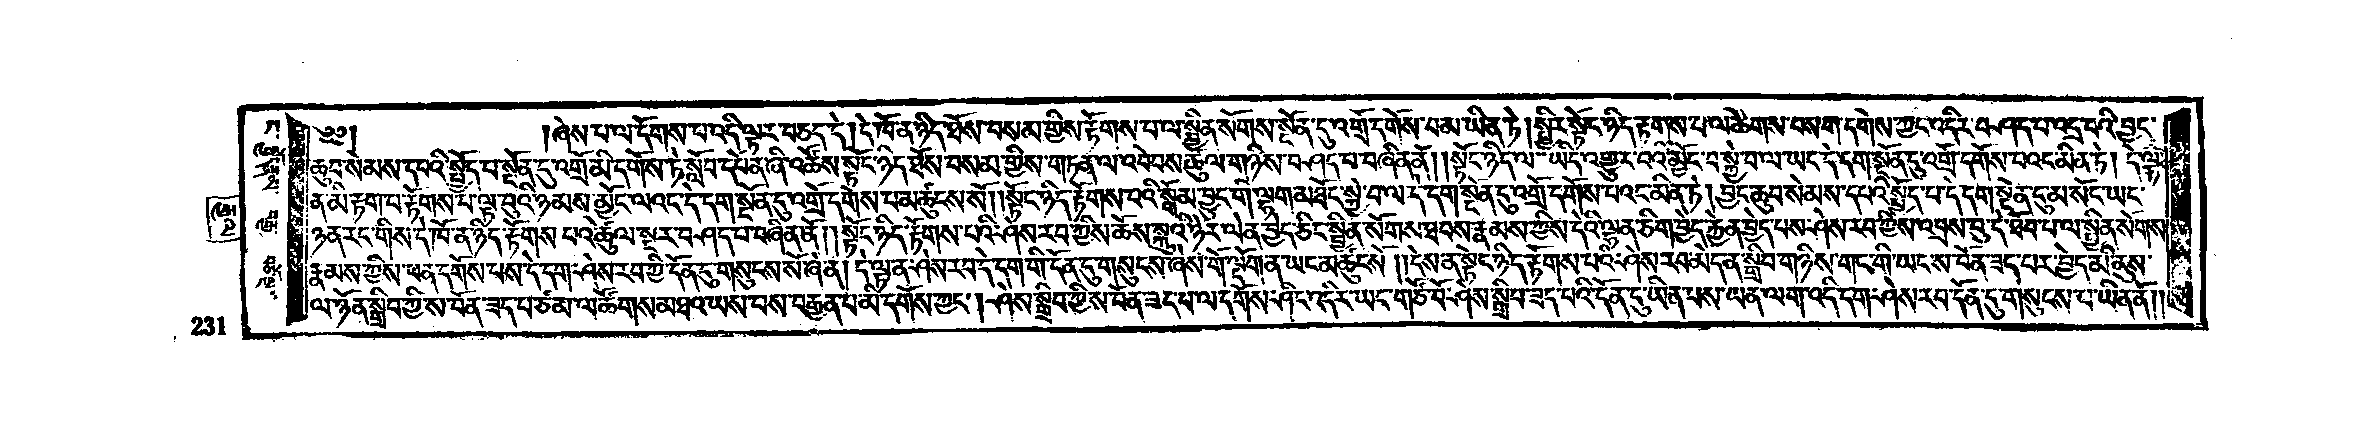༄༅། །ཞེས་པ་ལ་དོགས་པ་འདི་ལྟར་བཅད་དེ། དེ་ཁོ་ན་ཉིད་ཐོས་བསམ་གྱིས་རྟོགས་པ་ལ་སྦྱིན་སོགས་སྔོན་དུ་འགྲོ་དགོས་པ་མ་ཡིན་ཏེ། སྤྱིར་སྟོང་ཉིད་རྟགས་པ་ལ་ཚོགས་བསག་དགོས་ཀྱང་འདིར་བཤད་པ་འདྲ་བའི་བྱང་
ཆུབ་སེམས་དཔའི་སྤྱོད་པ་སྔོན་དུ་འགྲོ་མི་དགོས་ཏེ་སློབ་དཔོན་ཞི་འཚོས་སྟོང་ཉིད་ཐོས་བསམ་གྱི་གཏན་ལ་འབེབས་ཚུལ་གཉིས་བཤད་པ་བཞིན་ནོ། །སྟོང་ཉིད་ལ་ཡིད་འགྱུར་བའི་མྱོང་བ་སྐྱེ་བ་ལ་ཡང་དེ་དག་སྔོན་དུ་འགྲོ་དགོས་པའང་མིན་ཏེ། དེ་ལྟ་
ན་མི་རྟག་པ་རྟོགས་པ་ལྟ་བུའི་ཉམས་མྱོང་ལའང་དེ་དག་སྔོན་དུ་འགྲོ་དགོས་པ་མཚུངས་སོ། །སྟོང་ཉིད་རྟོགས་པའི་སྒོམ་བྱུང་གི་ལྷག་མཐོང་སྐྱེ་བ་ལ་དེ་དག་སྔོན་དུ་འགྲོ་དགོས་པའང་མིན་ཏེ། བྱང་ཆུབ་སེམས་དཔའི་སྤྱོད་པ་དེ་དག་སྔོན་དུ་མ་སོང་ཡང་
ཉན་རང་གིས་དེ་ཁོ་ན་ཉིད་རྟོགས་པའི་ཚུལ་སྔར་བཤད་པ་བཞིན་ནོ། །སྟོང་ཉིད་རྟོགས་པའི་ཤེས་རབ་ཀྱིས་ཆོས་སྐུའི་ཉེར་ལེན་བྱེད་ཅིང་སྦྱིན་སོགས་ཐབས་རྣམས་ཀྱིས་དེའི་ལྷན་ཅིག་བྱེད་རྐྱེན་བྱེད་པས་ཤེས་རབ་ཀྱིས་འབྲས་བུ་དེ་ཐོབ་པ་ལ་སྦྱིན་སོགས་
རྣམས་ཀྱིས་ཕན་དགོས་པས་དེ་དག་ཤེས་རབ་ཀྱི་དོན་དུ་གསུངས་སོ་ཞེ་ན། དེ་ལྟ་ན་ཤེས་རབ་དེ་དག་གི་དོན་དུ་གསུངས་ཞེས་གོ་ལྡོག་ན་ཡང་མཚུངས་སོ། །དེས་ན་སྟོང་ཉིད་རྟོགས་པའི་ཤེས་རབ་མེད་ན་སྒྲིབ་གཉིས་གང་གི་ཡང་ས་བོན་ཟད་པར་བྱེད་མི་ནུས་
ལ་ཉོན་སྒྲིབ་ཀྱི་ས་བོན་ཟད་པ་ཙམ་ལ་ཚོགས་མཐའ་ཡས་པས་བརྒྱན་པ་མི་དགོས་ཀྱང་། ཤེས་སྒྲིབ་ཀྱི་ས་བོན་ཟད་པ་ལ་དགོས་ཤིང་འདིར་ཡང་གཙོ་བོ་ཤེས་སྒྲིབ་ཟད་པའི་དོན་དུ་ཡིན་པས་ཡན་ལག་འདི་དག་ཤེས་རབ་དོན་དུ་གསུངས་པ་ཡིན་ནོ། །